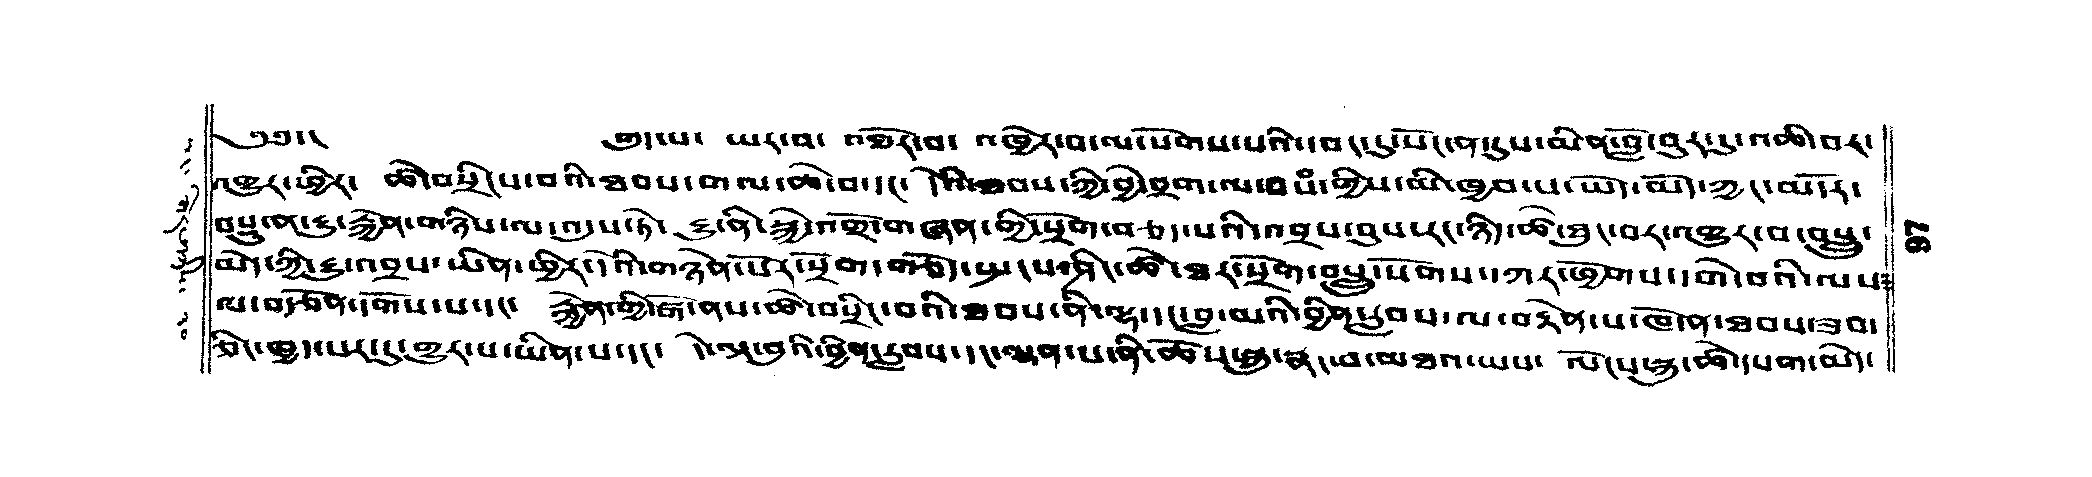གུད་པ། ཡར་བ། འཐོར་བ། འཁྱེར་བ་ལ་སོགས་པའི་དབང་དུ་སོང་ན་དུས་མིན་བློ་བུར་དུ་འཆི་བར་
འགྱུར་ཕྱིར། ཚེ་བསྲིངས་བའི་ཐབས་གལ་ཆེ་བ་དང་། དེའི་ཐབས་ཀྱི་བྱེ་བྲག་ལ་བསམ་གྱིས་མི་ཁྱབ་པ་ཡོད་མོད་ཀྱང་མདོར་
བསྡུ་ན་རྒྱུ་རྐྱེན་གཉིས་ལ་འདུས་ཏེ། རྒྱུ་ནི་སྐྱེ་འགྲོ་གཞན་གྱི་སྲོག་གཅོད་སྤངས་ཤིང་ཚེ་ཐར་སྲོག་བསླུ་སོགས་དཀར་ཕྱོགས་དགེ་བའི་ལས་
ལ་བརྩོན་དགོས་པ་དང་། རྐྱེན་གྱི་སྒོ་ནས་ཚེ་བསྲིངས་བའི་ཐབས་ནི་ལྷ་དང་བླ་མའི་བྱིན་རླབས་ལ་བརྟེན་པ་ཁོ་ན་ཐབས་ཟབ་
ཅིང་ཁྱད་པར་དུ་གྱུར་པ་ཡིན་པ་དང་། དེ་ལྟ་བུའི་བྱིན་རླབས་དང་ལྡན་པ་ནི་ཆོས་སྐུ་སྣང་བ་མཐའ་ཡས། ལོངས་སྐུ་ལཚེ་དཔག་མེད་